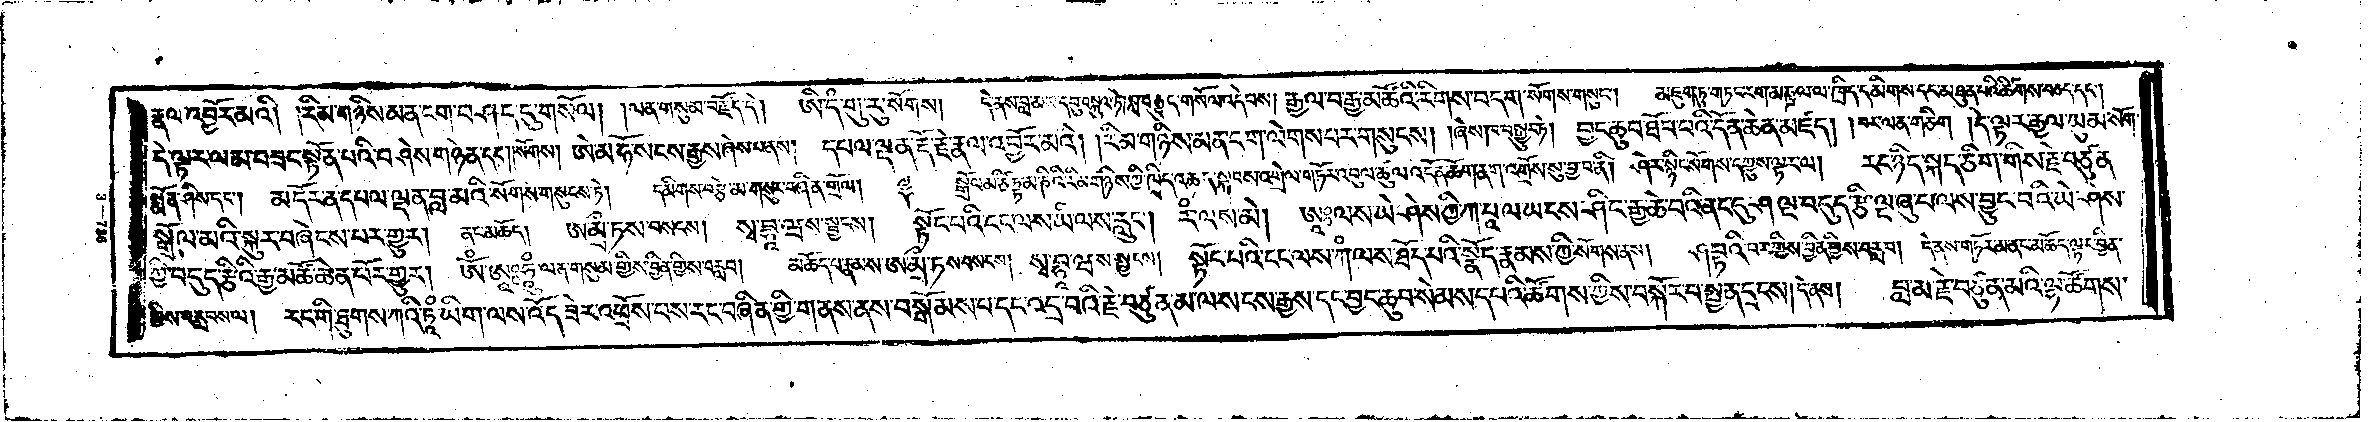རྣལ་འབྱོར་མའི། །རིམ་གཉིས་མན་ངག་བཤད་དུ་གསོལ། །ལན་གསུམ་བརྗོད་དེ།  ཨི་དཾ་གུ་རུ་སོགས། དེ་ནས་བླ་མ་དབུ་བསུལ་ཏེ། བླ་བརྒྱུད་གསོལ་འདེབས།  རྒྱལ་བ་རྒྱ་མཚོའི་རིགས་བདག་སོགས་གསུང་། མཇུག་ཏུ་གཏང་རག་མཎྜལ་ལ་ཁྲིད་དམིགས་དང་མཐུན་པའི་ཚིགས་བཅད་དང་།
དེ་ལྟར་ལམ་བཟང་སྟོན་པའི་བཤེས་གཉེན་དང་། སོགས།  ཨེ་མ་ཧོ་སངས་རྒྱས་ཞེས་པ་ནས།  དཔལ་ལྡན་རྡོ་རྗེ་རྣལ་འབྱོར་མའི། །རིམ་གཉིས་མན་ངག་ལེགས་པར་གསུངས། །ཞེས་ཁ་བསྒྱུར་ཏེ།  བྱང་ཆུབ་ཐོབ་པའི་དོན་ཆེན་མཛད། །བར་ལན་གཅིག་།དེ་ལྟར་རྒྱལ་ཡུམ་སོག་
སྨོན་ཤིས་དང་། མདོར་ན་དཔལ་ལྡན་བླ་མའི་སོགས་གསུངས་ཏེ། དམིགས་བརྩེ་མ་གསུང་བཞིན་གྲོལ། ༈ སྒྲོལ་མ་ཙིཏྟ་མ་ཎིའི་རིམ་གཉིས་ཀྱི་ཁྲིད་འཆད་སྐབས་འགྲེལ་གཏོར་འབུལ་ཚུལ་འདོན་ཆོག་ནག་འགྲོས་སུ་བྱ་བ་ནི། ཤེར་སྙིང་སོགས་དཀྱུས་ལྟར་ལ།  རང་ཉིད་སྐད་ཅིག་གིས་རྗེ་བཙུན་
སྒྲོལ་མའི་སྐུར་བཞེངས་པར་གྱུར། ནང་མཆོད།  ཨ་མྲྀ་ཏས་བསངས། སྭ་བྷཱ་ཝས་སྦྱངས། སྟོང་པའི་ངང་ལས་ཡི་ལས་རླུང་། རཾ་ལས་མེ། ཨཱཿལས་ཡེ་ཤེས་ཀྱི་ཀ་པཱ་ལ་ཡངས་ཤིང་རྒྱ་ཆེ་བའི་ནང་དུ་ཤ་ལྔ་བདུད་རྩི་ལྔ་ཞུ་པ་ལས་བྱུང་བའི་ཡེ་ཤེས་
ཀྱི་བདུད་རྩིའི་རྒྱ་མཚོ་ཆེན་པོར་གྱུར། ཨོཾ་ཨཱཿ ཧཱུཾ་ལན་གསུམ་གྱིས་བྱིན་གྱིས་བརླབ། མཆོད་པ་རྣམས་ཨ་མྲྀ་ཏས་བསངས། སྭ་བྷཱ་ཝས་སྦྱངས། སྟོང་པའི་ངང་ལས་ཀཾ་ལས་ཐོད་པའི་སྣོད་རྣམས་ཀྱི་སོགས་ནས།  ཤབཏའི་བར་གྱིས་བྱིན་གྱིས་བརླབ། དེ་ནས་གཏོར་མ་ནང་མཆོད་ལྟར་བྱིན་
གྱིས་བརླབས་པ། རང་གི་ཐུགས་ཀའི་ཏཱཾ་ཡིག་ལས་འོད་ཟེར་འཕྲོས་པས་རང་བཞིན་གྱི་གནས་ནས་བསྒོམས་པ་དང་འདྲ་བའི་རྗེ་བཙུན་མ་ལས་སངས་རྒྱས་དང་བྱང་ཆུབ་སེམས་དཔའི་ཚོགས་ཀྱིས་བསྐོར་བ་སྤྱན་དྲངས། དེ་ནས།  བླ་མ་རྗེ་བཙུན་མའི་ལྷ་ཚོགས་